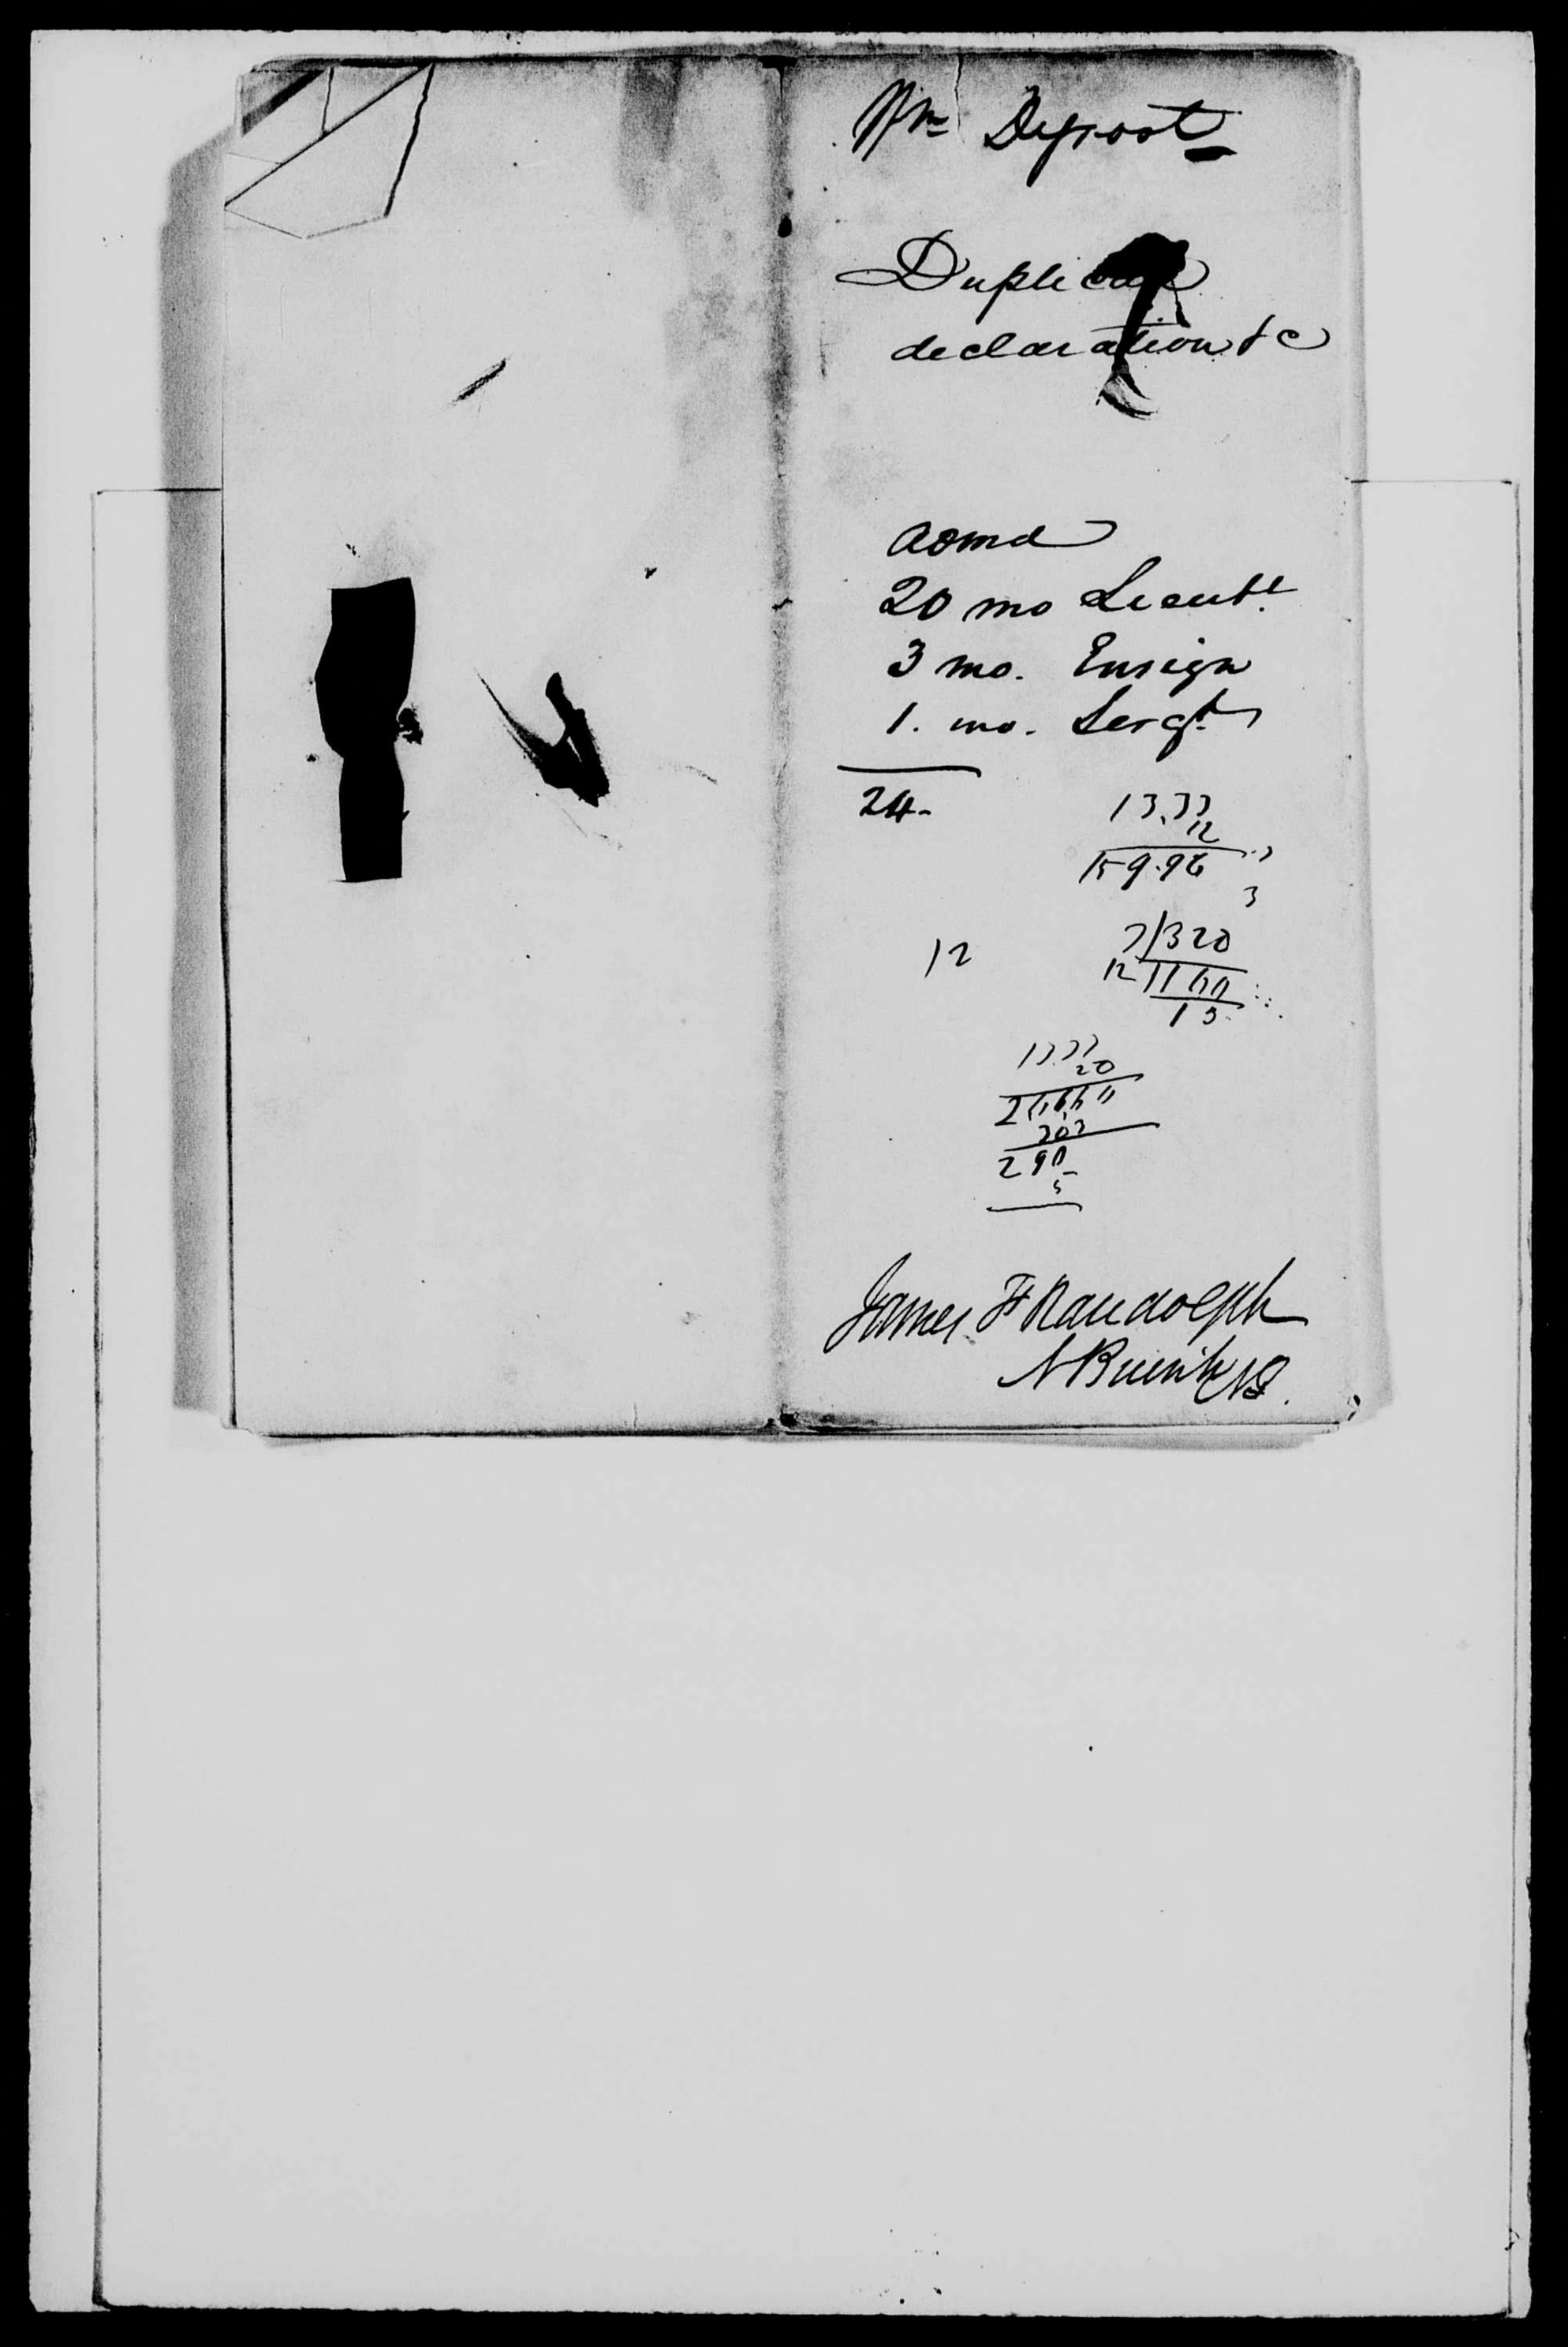Wm DeGroot

Duplicate declaration &c


Admd
20 mo Lieut.
3 mo. Ensign
1. mo. Sergt
_____
24.

13.33
     12
_____
159.96

12

7/320
  -----
12 1160
    ----
       13

13.33
     20
_____
266.60
  303
______
290
    6
_____


James F. Randolph
N Brunsk NJ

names: James F Randolph, Wm Degroot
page: 66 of 77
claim: widow's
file: W. 417, William De Groot, New Jersey